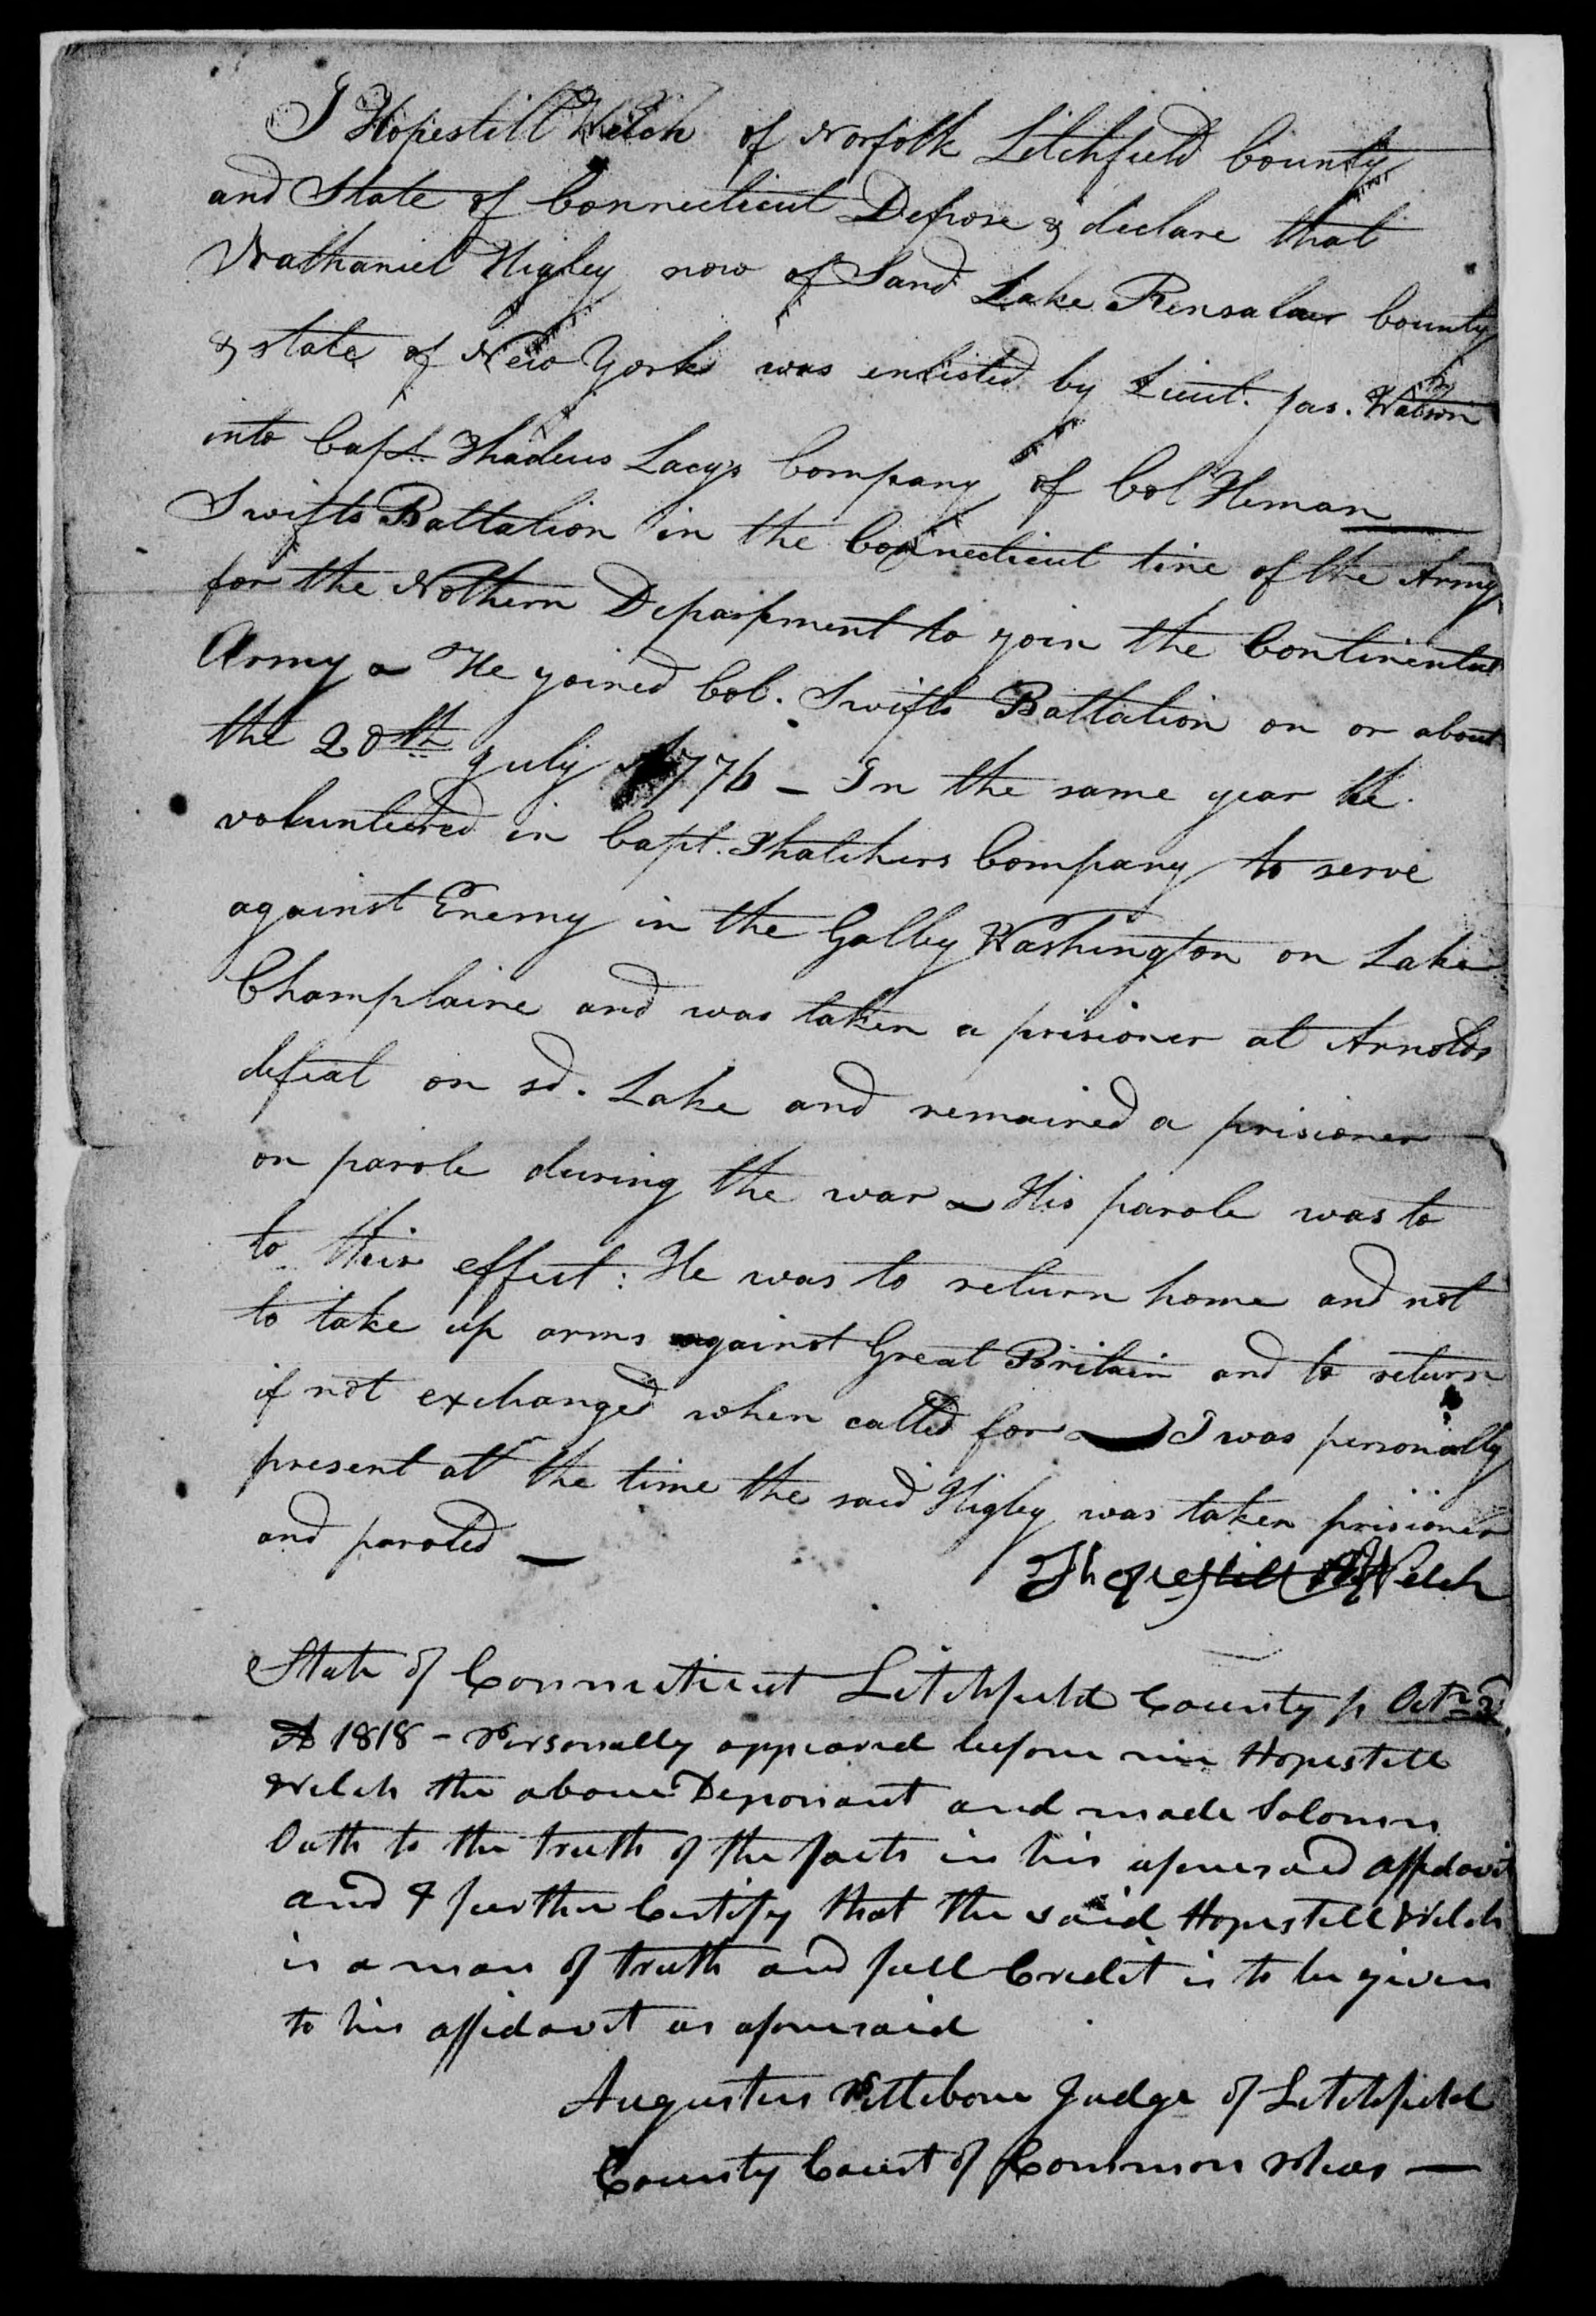I Hopestill Welch of Norfolk Litchfield County and State of Connecticut Depose & declare that Nathaniel Higbey now of Sand Lake Rensalear County & state of New York was enlisted by Lieut. [illegible] Watson into Capt. Thadeus Lacy's Company of Col Heman Swift's Battalion in the Connecticut line of the Army for the Northern Department to join the Continental Army. He joined Col. Swift's Battalion on or about the 20th july 1776. In the same year he volunterred in Capt. Thatchers Company to serve against Enemy in the Galley Washington on Lake Champlaine and was taken a prisoner at Arnolds defeat on sd. Lake and remained a prisoner on parole during the war. His parole was to to this effect: He was to return home and not to take up arms against Great Britain and to return if not exchange when called for. I was personally present at the time the said Higbey was taken prisoner and paroled.       Hopestill Welch

State of Connecticut Litchfield County Oct 3[illegible] & 1818 - Personally approved before miss Hopestill Welch the above Deposiant and made Solomn Oath to the truth of the facts in his aforesaid affidavit and further Certify that the said Hopestill Welch is a man of truth and full Credit is to be given to this affidavit as aforesaid
   Augustus Pettibone Judge of Litchfield County Court of Commission [illegible]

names: Nathaniel Higby, Jas Watson, Higby, Hopestill Welch, Hopestill Welch, Hopestill Welch, Hopestill Welch, Augustus Pettebone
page: 25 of 25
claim: rejected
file: R. 4972, Nathaniel Higby, Conn.